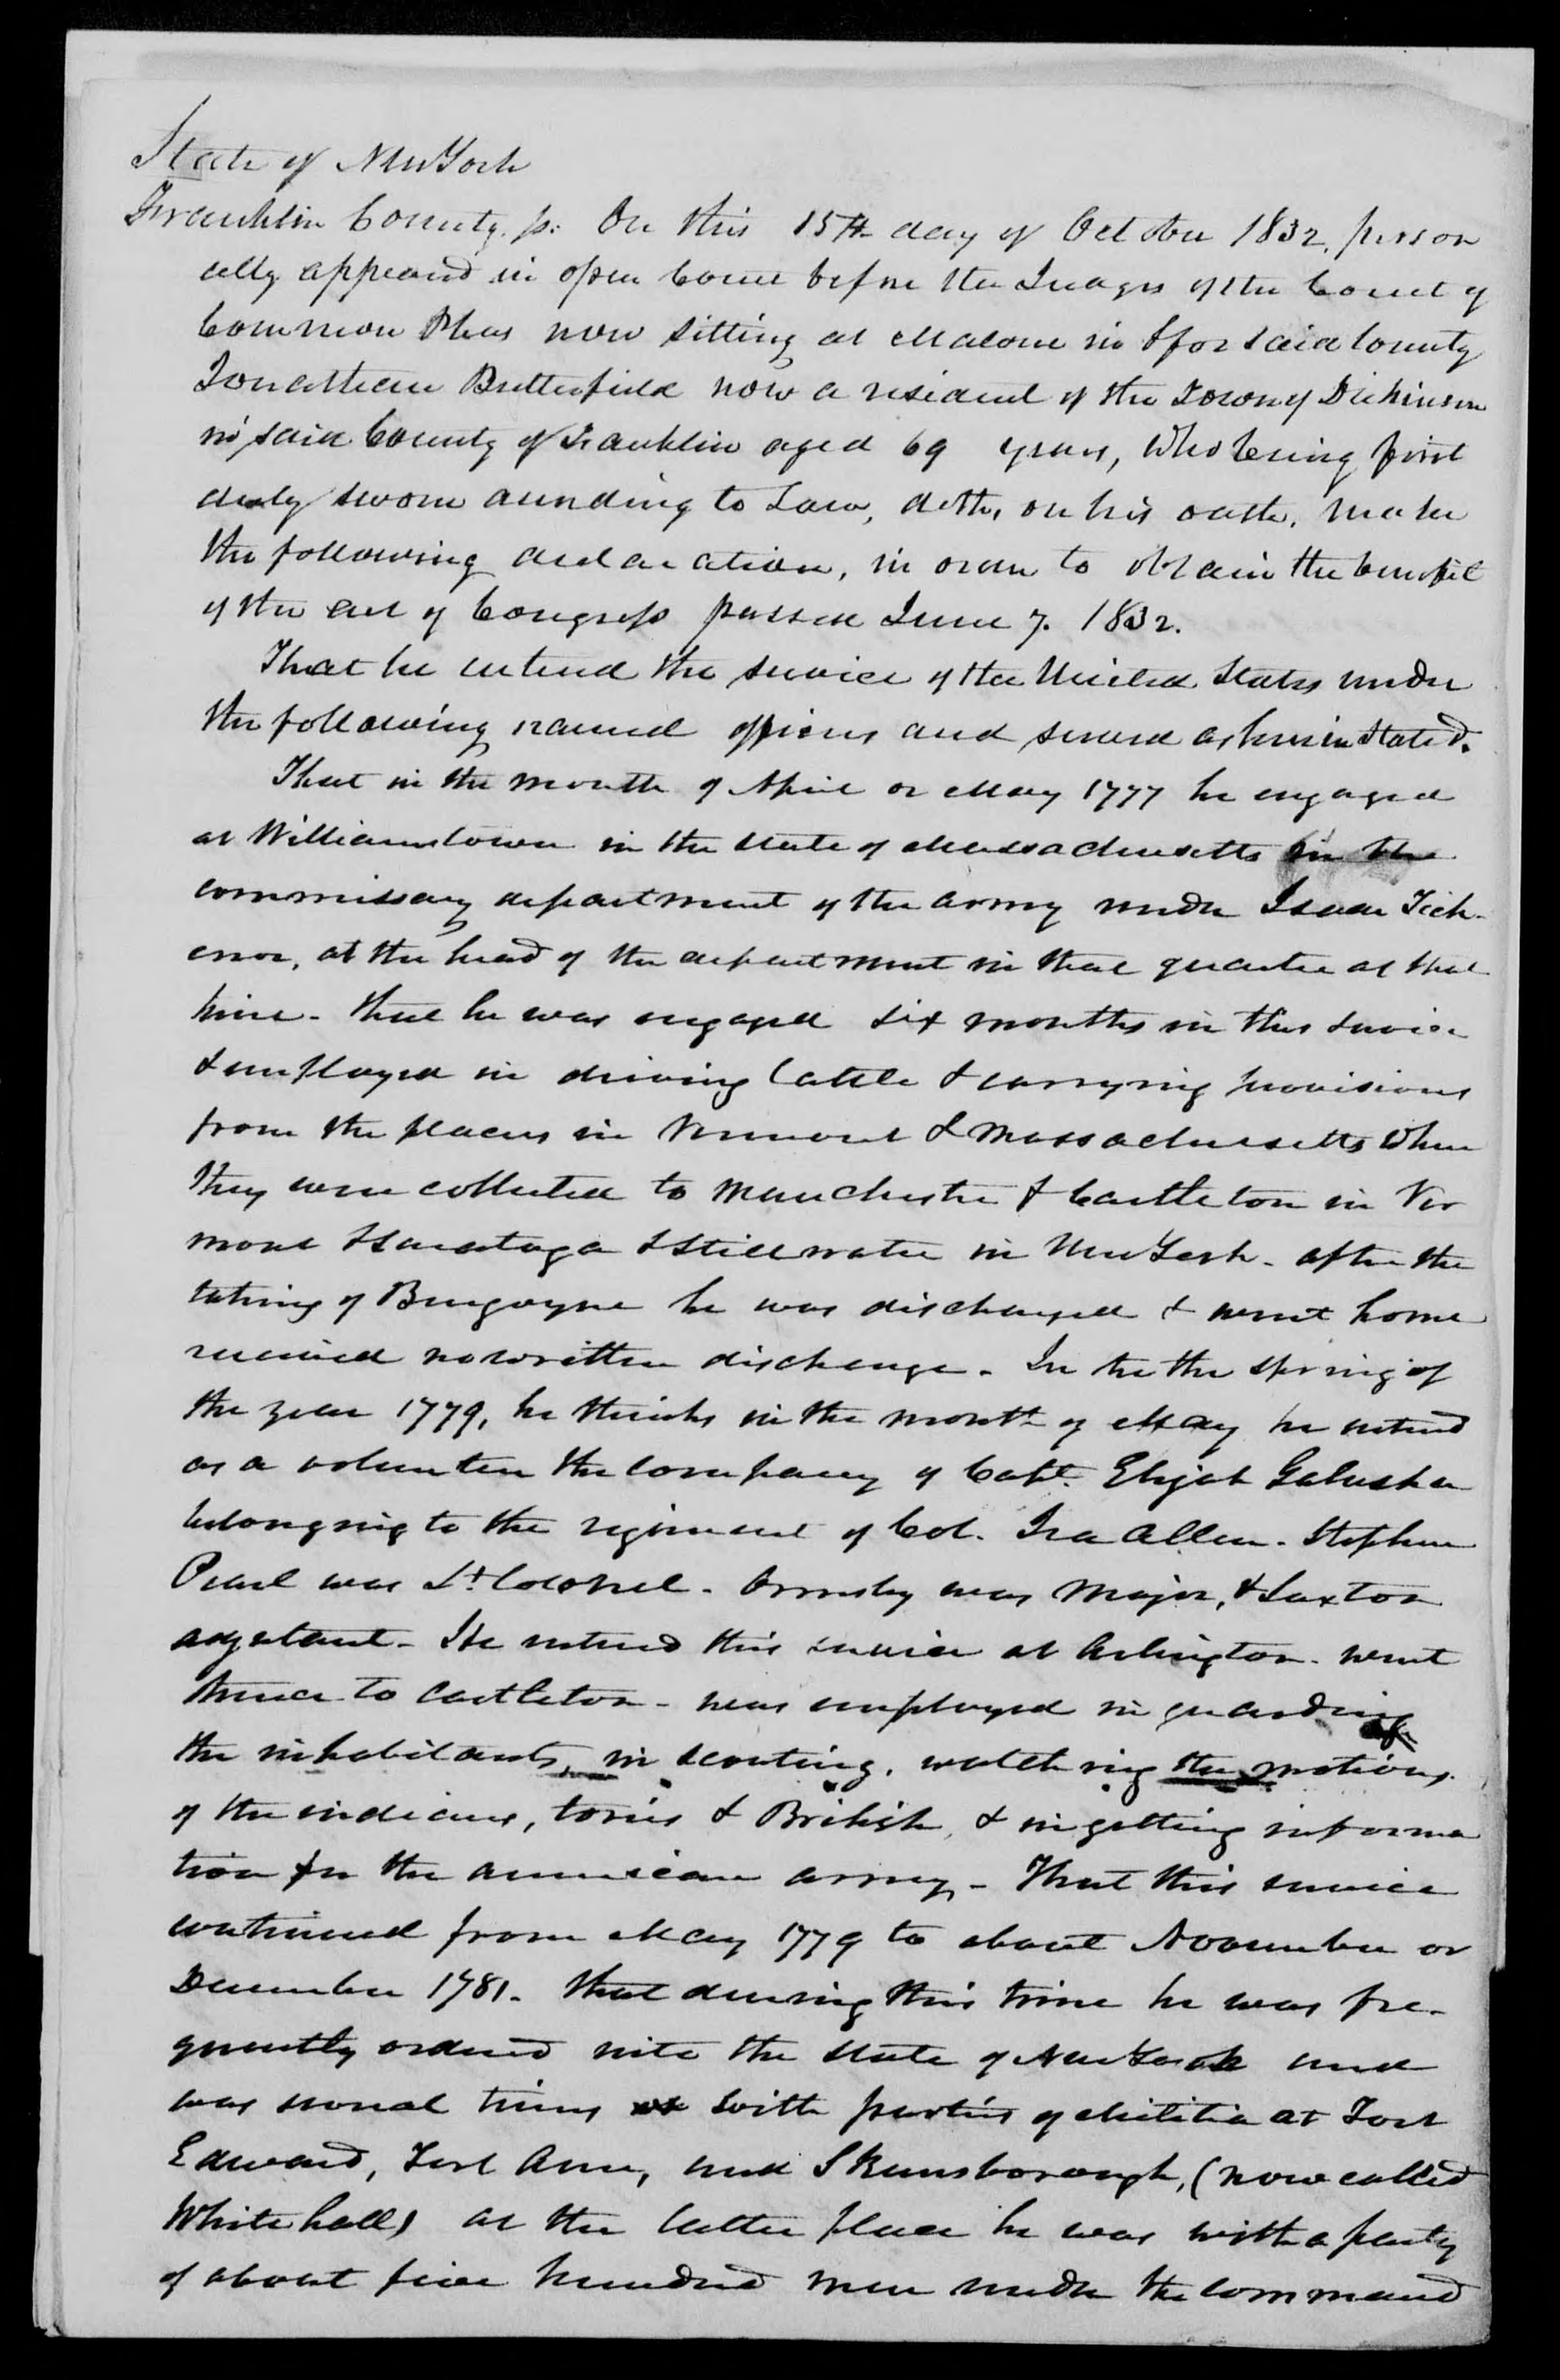State of New York
Franklin County ss: On this 15th day of October 1832 personally appeared in open Court before the Judges of the Court of Common Pleas now sitting at Malone in & for said County. Jonathan Butterfield now a resident of the Town of Dickinson in said County of Franklin aged 69 years, who being first duly sworn according to law, doth, on his oath, make the following declaration, in order to obtain the benefit of the act of Congress passed June 7. 1832 That he entered the service of the United States under the following named officers and served as herein stated.
That in the month of April or May 1777 he engaged
at Williamstown in the State of Massachusetts in the
Commissary department of the army under Isaac Tichenor , at the head of the department in that quarter at that time.
that he was engaged six months in this service
& employed in driving cattle & carrying provisions
from the places in Vermont & Massachusetts when
they were collected to Manchester & Carleton in Vermont, Saratoga & Stillwater in New York, after the
taking of Burgoyne he was discharged & went home,
received no written discharge. In the spring of
the year 1779, he thinks in the month of May he interred as a volunteer the company of Capt Elijah Galusha belonging to the regiment of Col. Ira Allen, Stephen Pearl was Lt. Colonel. Ormsby was Major, & Saxton adjutant- He entered this service at Wellington went thence to Castleton, was employed in guarding
the inhabitants, in scouting, watching the motion of the indians, tories & British, & in getting information for the American  army. That this service continued from May 1779 to about November or December 1781. that during this time he was frequently ordered into the State of New York and was some times with parties of militia at Fort Edward, Fort Ann, and Kingsborough, (now called Whitehall) as the latter place he was with a party of about five hundred men under the command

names: Isaac Tichenor, Elijah Galusha, Ira Allen, Stephen Pearl, Jonathan Butterfield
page: 2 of 40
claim: rejected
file: R. 1558, Jonathan Butterfield, Mass. Vt.